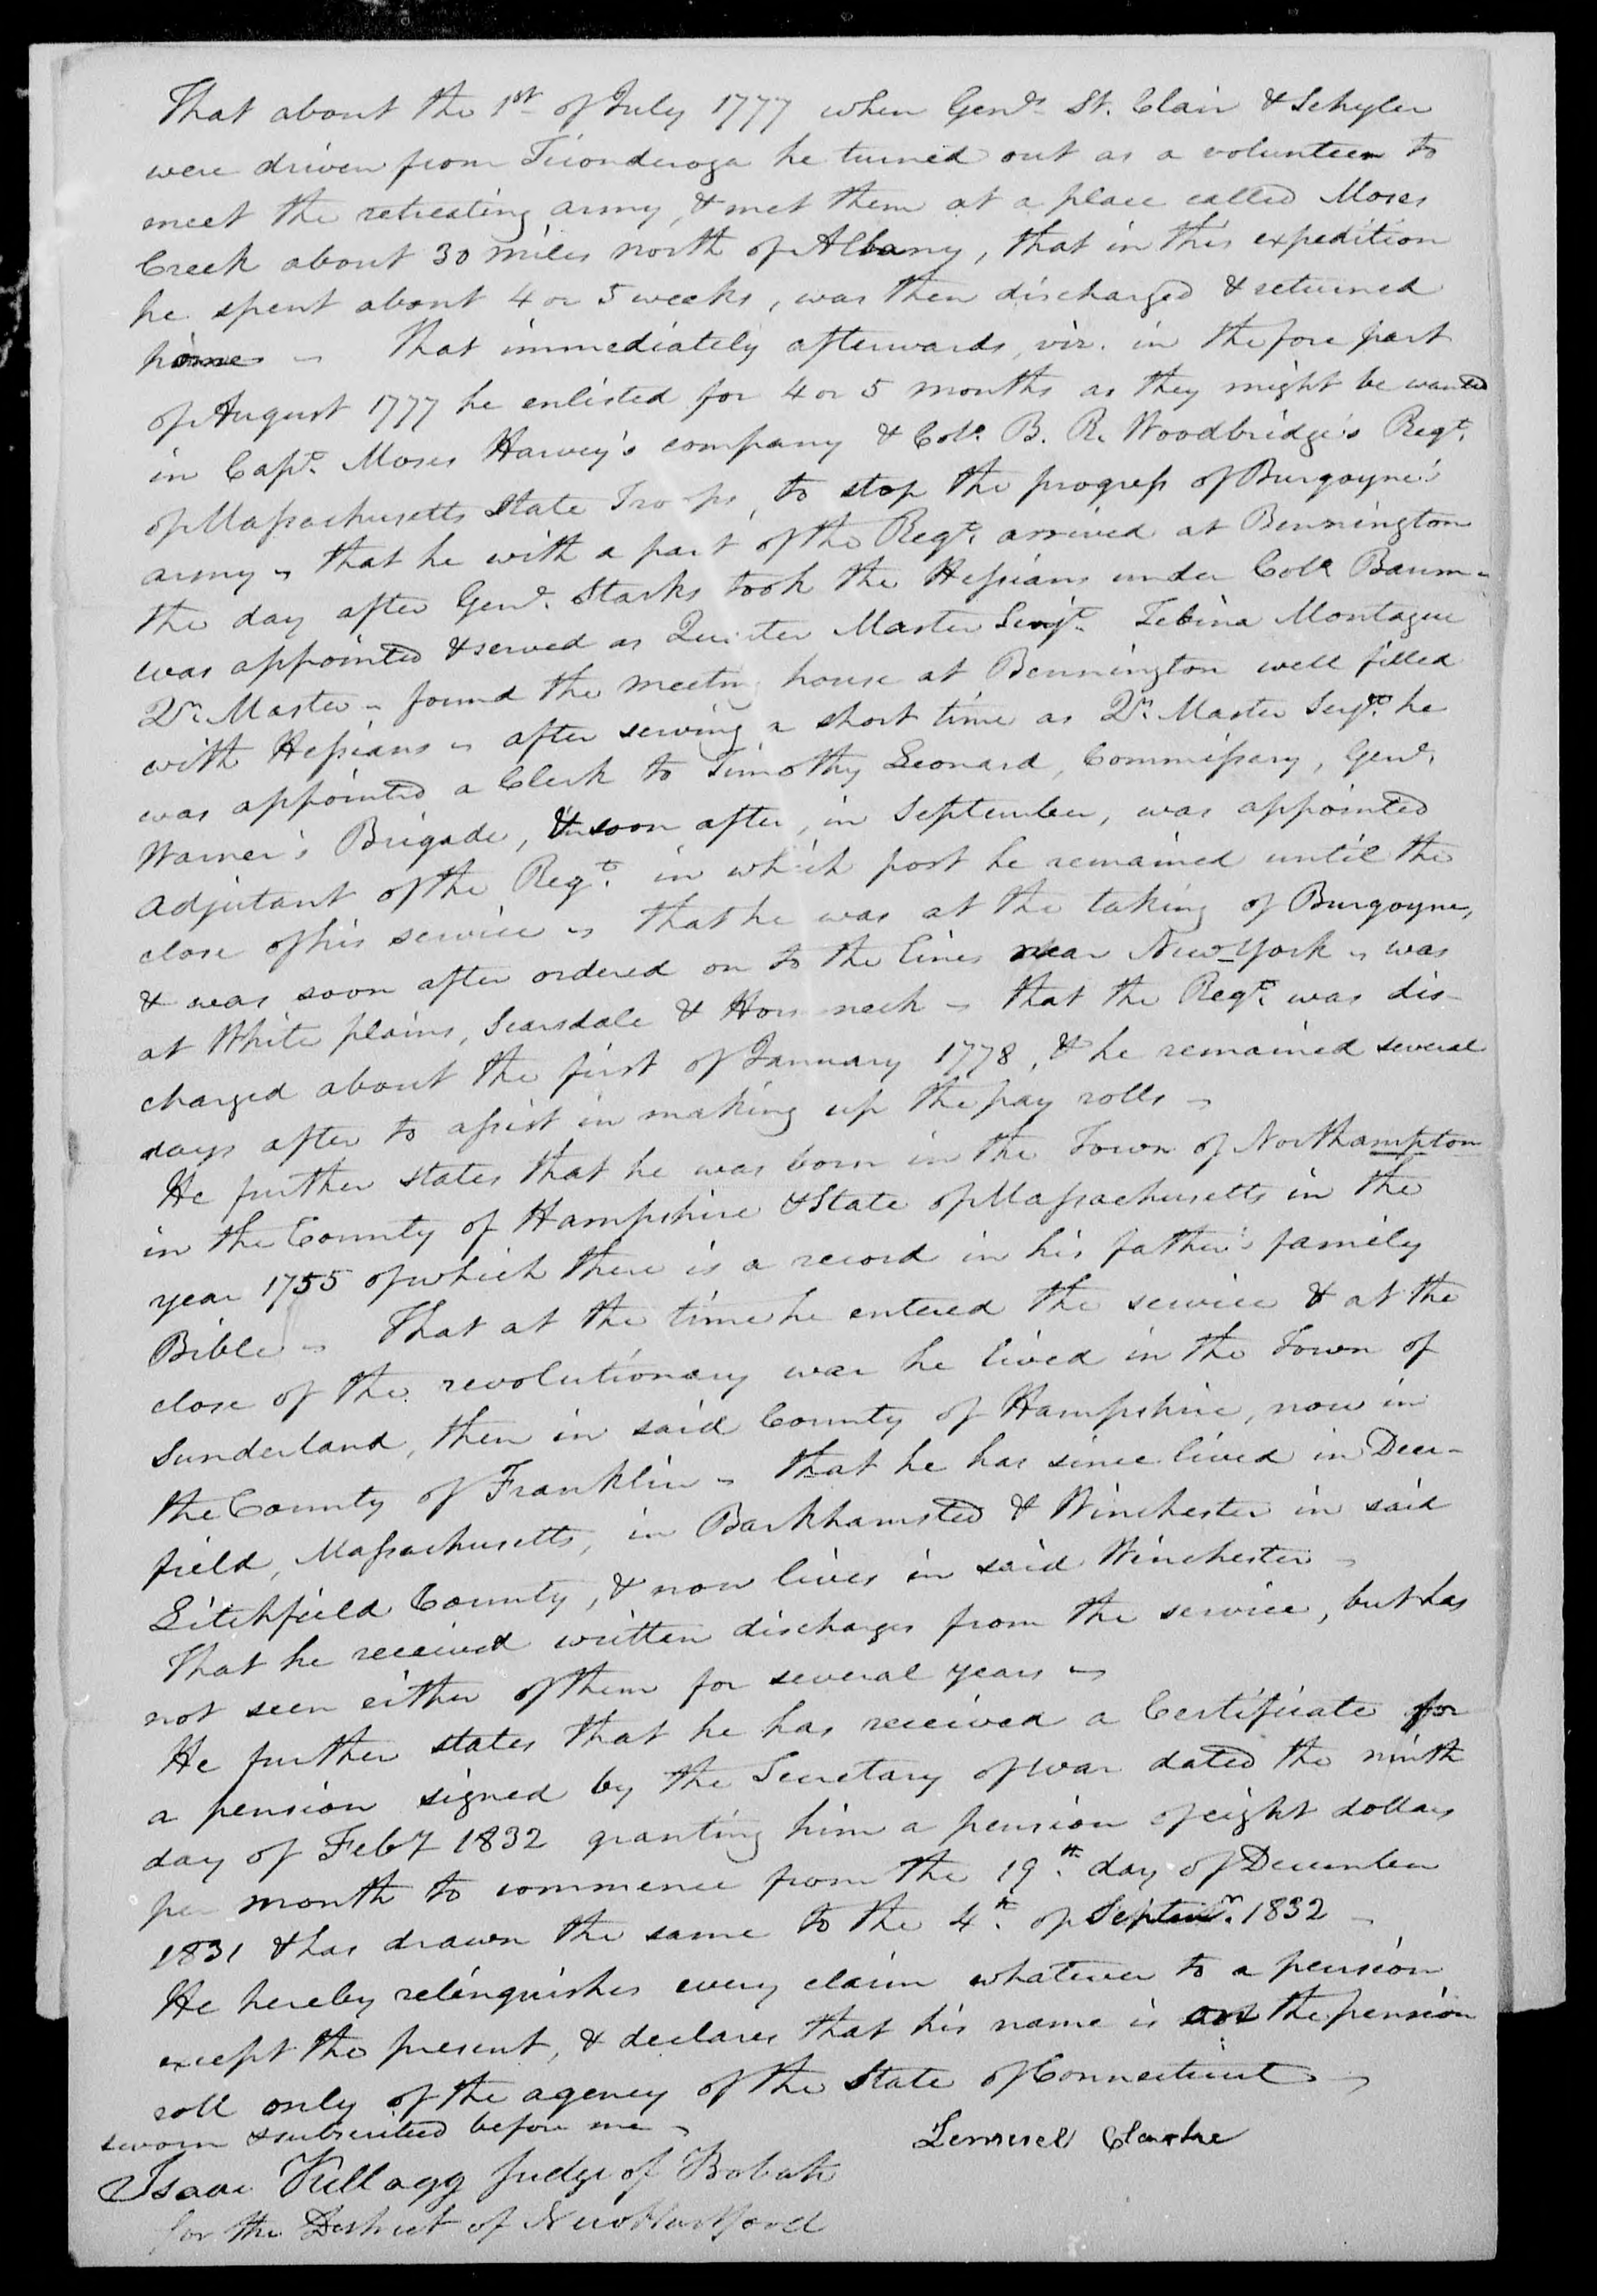That about the 1st of July 1777 when Genl St. Clair & Schyler were driven from Ticonderoga he turned out as a volunteer to meet the retreating army, & met them at a place called Moses Creek about 30 miles north of Albany, that in this expedition he spent about 4 or 5 weeks, was then discharged & returned home - that immediately afterwards viz in the fore part of August 1777 he enlisted for 4 or 5 months as they might be wanted in Capt Moses Harvey's company & Col B R. Woodbridge's Regt of Massachusetts State Troops to stop the progress of Burgoyne's army that he with a part of the Regt arrived at Bennington the day after Genl Starks took the Hessians under Col Baum - was appointed & served as Quarter Master Sergt Zebina Montague Qt. Master- found the meeting house at Bennington well filled with Hessions - after serving a short time as  QtMaster Sgt hewas appointed a Clerk to Timothy Leonard, Commissary Genl Warner's Brigade, & soon after in September, was appointed Adjutant of the Regt in which post he remained until the close of his service - that he was at the taking of Burgoyne & was soon after ordered on to the lines near New York - was at White plains, Scarsdale & Horseneck-- that the Regt was discharged about the first of January 1778, & he remained several days after to assist in making up the pay rolls- 

He further states that he was born in the Town of Northampton in the County of Hampshire & State of Massachusetts in the year 1755 of which there is a record in his fathers family Bible- That at the time he entered the service & at the close of the revolutionary war he lived in the Town of Sunderland, then in said County of Hampshire, now in the County of Franklin that he has since lived in Deerfield, Massachusetts, in Barkhamsted & Winchester in said Litchfield County, & now lives in said Winchester -

that he received written discharge from the service, but has not seen either of them for several years 

He further states that he has received a certificate for a pension signed by the Secretary of war dated the ninth day of Feby 1832 granting him a pension of eight dollars per month to commence from the 19th day of December 1831 & has drawn the same to the 4th of Septemr 1832 

He hereby relinquishes every claim whatever to a pension except the present, & declares that his name is on the pension roll only of the agency of the State of Connecticut 
Lemuel Clarke

Sworn & subscribed before me Isaac Kellogg Judge of Probate Lemuel Clarke for the District of New Hartford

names: Isaac Kellogg, Zebina Montague, St Clair, Baum, Timothy Leonard, Starks, Lemuel Clarke, Schyler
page: 6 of 48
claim: survivor's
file: S. 17343, Lemuel Clarke, Mass.